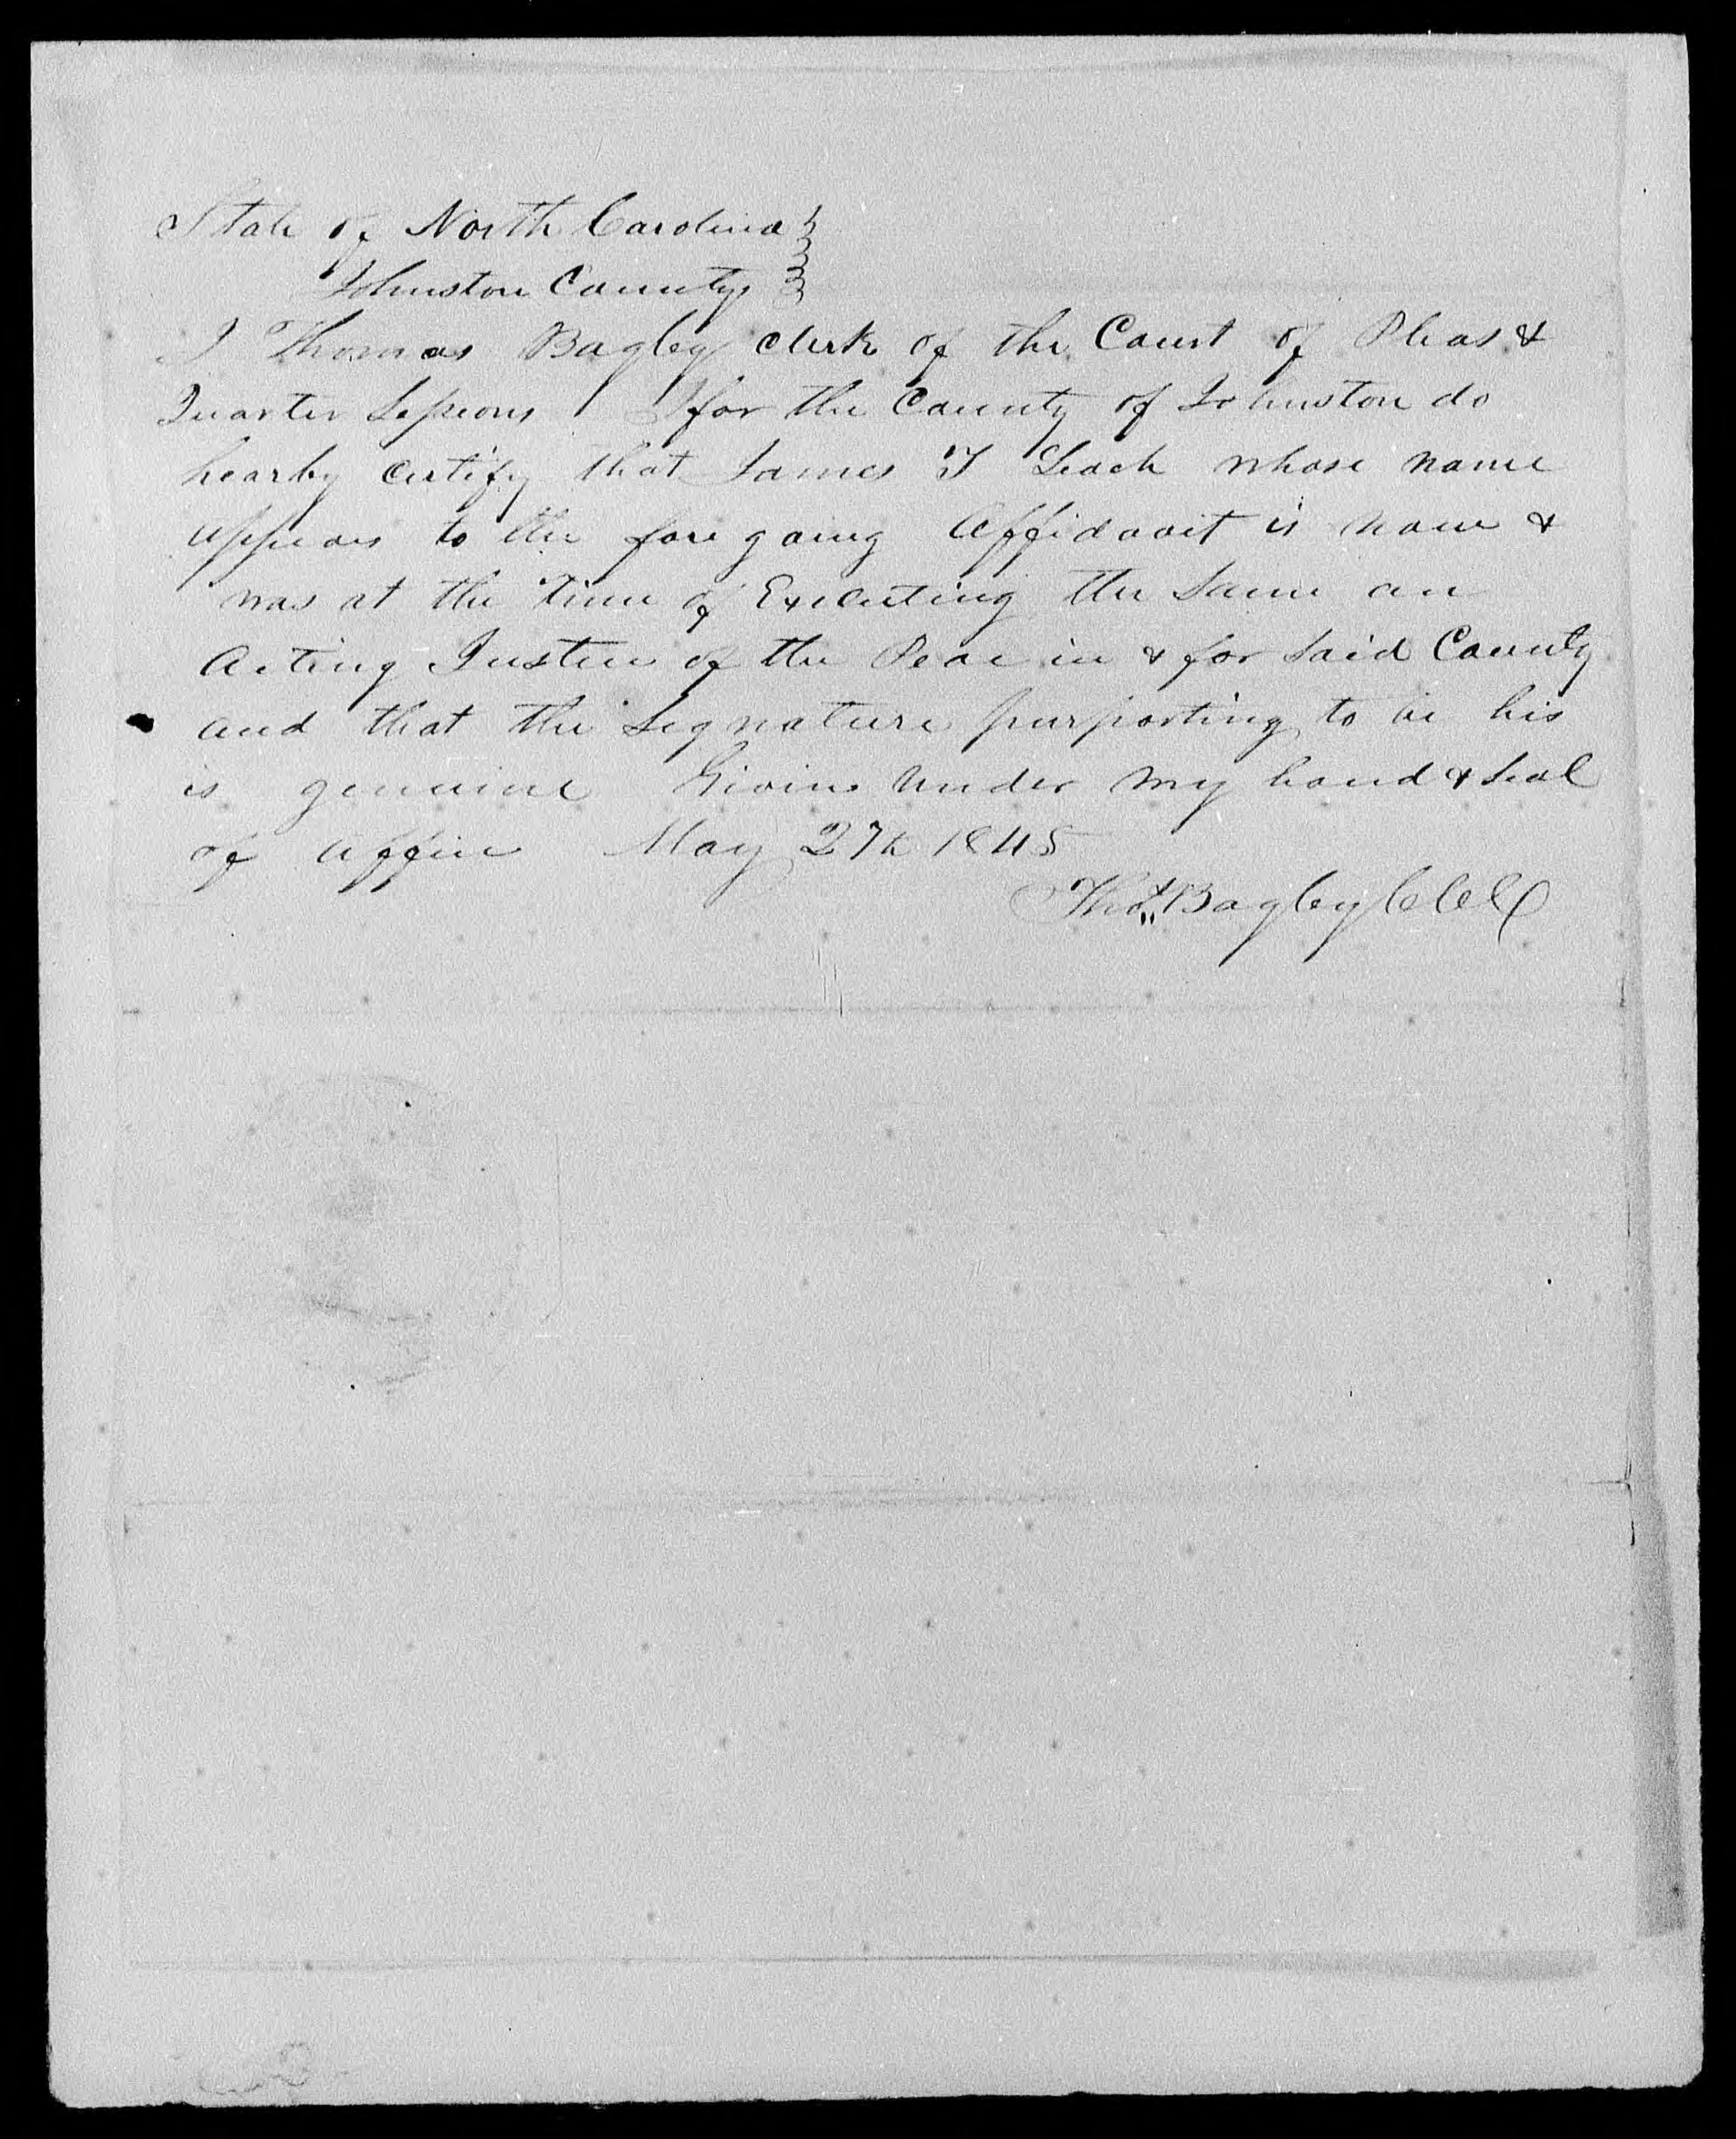State of North Carolina
Johnston County

I, Thomas Bagley, Clerk of the Court of Pleas and [Illegible] for the County of Johnston do hereby certify that James P. Leach, who name appears to the foregoing affidavit is now and was at the time of executing the service an acting Justice of the Peace in and for said County and that the signature purporting to be his is genuine.
Given under my hand and seal of office May 27th 1845.
Thomas Bagley, Clerk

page: 28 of 74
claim: rejected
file: R. 5600, for Abel Johnson, North Carolina